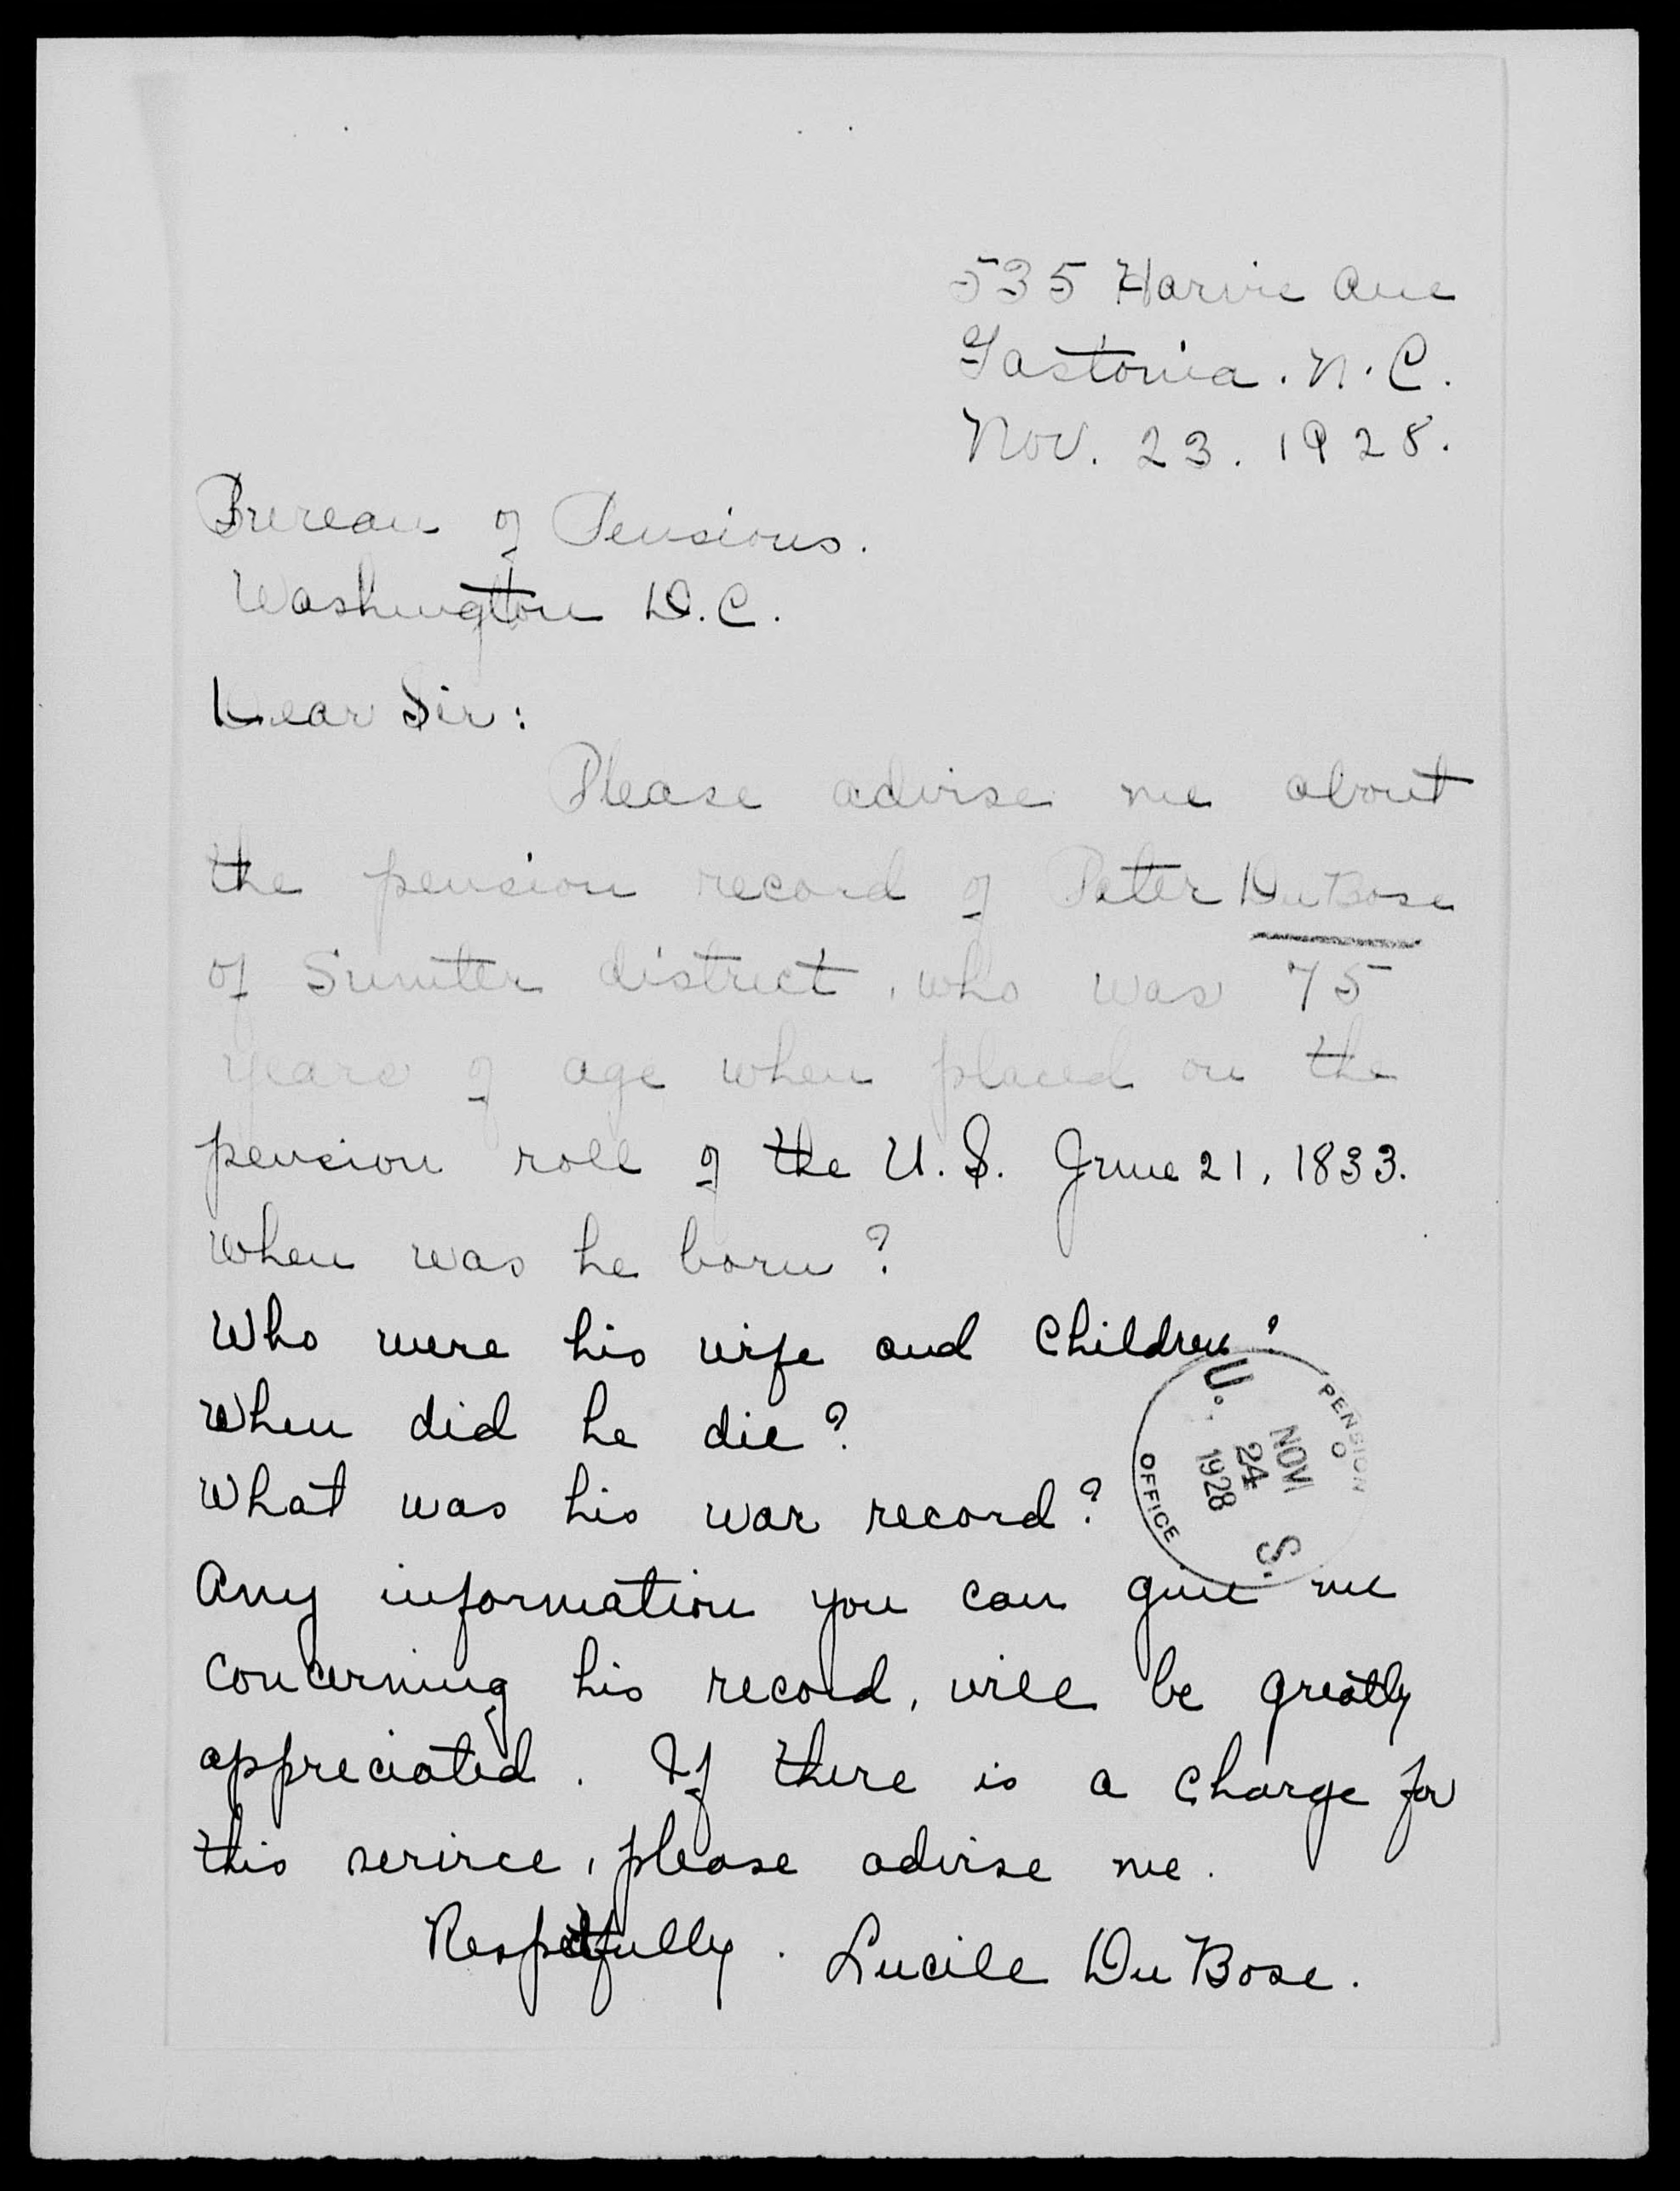535 Harvie Ave
Gastonia, N.C.
Nov. 23, 1928.

Bureau of Pensions.
Washington D.C.

Dear Sir: 

Please advise me about the pension record of Peter DuBose of Sumter District, who was 75 years of age when placed on the pension roll of the U.S. June 21, 1833. 
When was he born?
Who were his wife and children?
When did he die?
What was his war record?
Any information you can give me concerning his record, will be greatly appreciated. If there is a charge for this service, please advise me.
Respecfully, Lucile DuBose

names: Lucile Du Bose, Peter Dubose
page: 38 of 43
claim: survivor's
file: S. 21163, Peter Dubose, S.C.